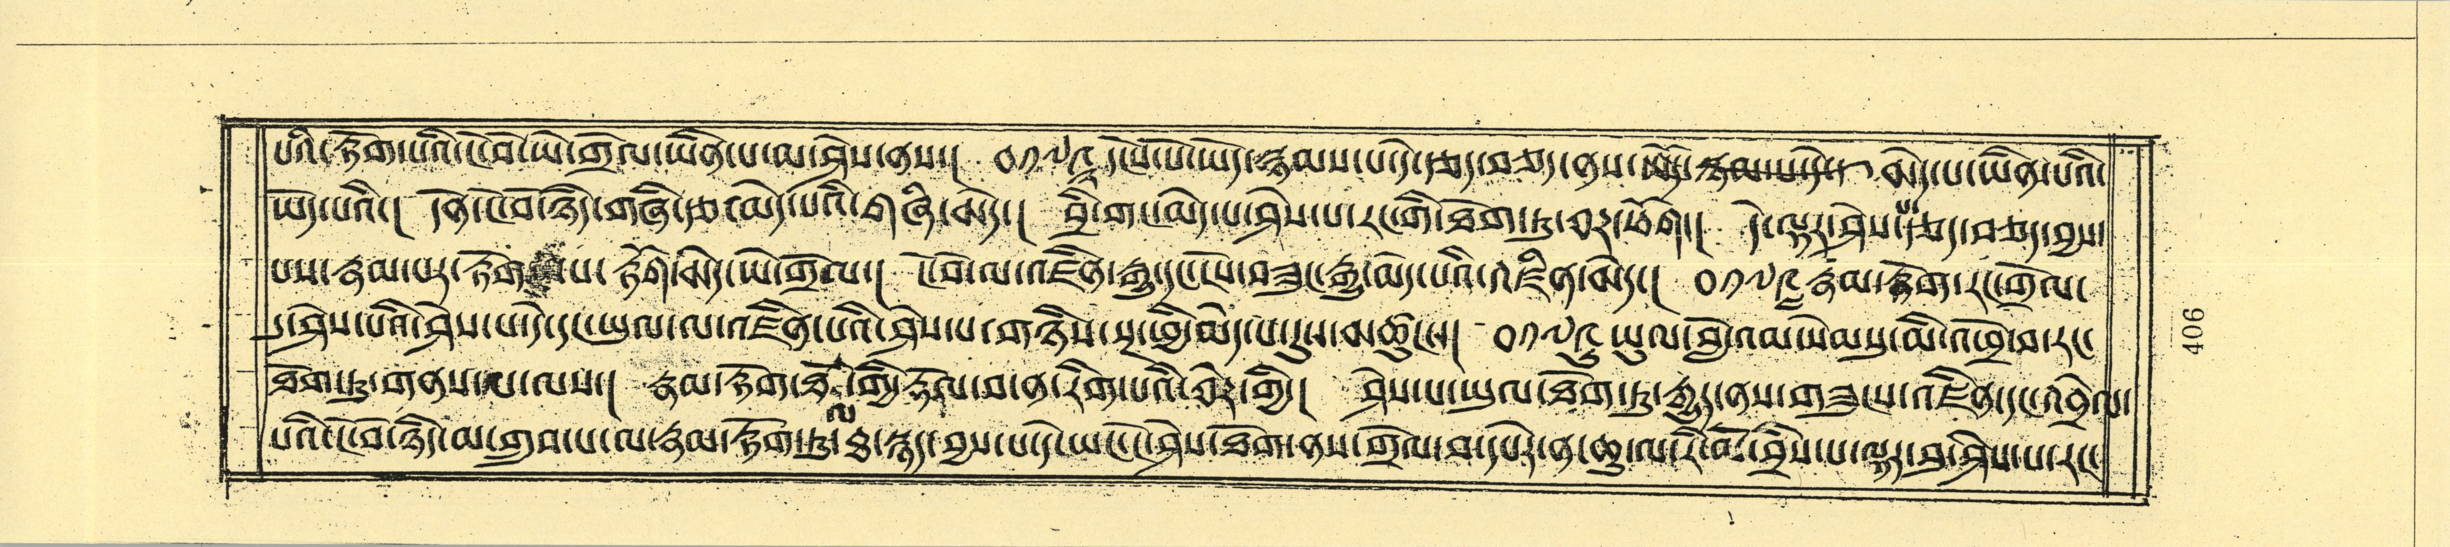པའི་རྟོག་པའི་ངོ་བོ་ཡེ་གྲོལ་ཡིན་པ་མ་ཤེས་ནས་བ༡༧༩།༢དངོས་པོ་ཡོད་སྙམ་པ་དེ་རྩད་བཅད་ནས་༼མེད་པ༽ཡིན་པའི་
ཡོད་པའི་དོན་ངོ་བོ་ཉིད་གཞི་རྩ་མེད་པའི་༼གཞི་མེད༽བྲི་གང་མེད་པ་ཤེས་པ་རང་གི་ཐོག་ཏུ་༼ཅར་ཕོག༽དེ་ལྟར་ཤེས་པ་རྩད་བཅད་བྱས་
པས་རྣམ་པར་རྟོག་པས་༼རྟོག་མེད༽ཡེ་གྲོལ་༼ངོ་བོ་ལ་འཛིན་རྒྱུ་དང་༽ངོས་བཟུང་རྒྱུ་མེད་པའི་༼འཛིན་མེད༽བ༡༧༩།༤རྣམ་རྟོག་རང་གྲོལ་
དུ་ཤེས་པའི་ཤེས་པ་དེ་དང་ཡུལ་ལ་འཛིན་པའི་ཤེས་པ་གཉིས་སྔ་ཕྱི་མེད་པ་དུས་༼མཚུངས༽བ༡༧༩།༦༼ཡུལ༽བློའམ་སེམས་སུ་མི་འཕྲོ་བ་རང་
ཐོག་ཏུ་གནས་པ་ལས་རྣམ་རྟོག་ཐོལ་གྱིས་བརྡོལ་བ་ན་རིག་པའི་༼ཅེར་གྱིས༽ཤེས་པ་ཡུལ་ཐོག་ཏུ་བརྒྱུད་ནས་གཟུང་འཛིན་དང་༼འབྲེལ༽
པའི་ངོ་བོ་ཉིད་མ་གྲུབ་པ་ལ་རྣམ་རྟོག་ཏུ་༼ཐ་སྙད༽བྱས་པ་དེ་ཡང་ངོ་ཤེས་ཐོག་ནས་གྲོལ་བ་དཔེར་ན་ཆུ་ལ་རི་མོ་བྲིས་པ་ལྟར་ཤེས་པ་རང་